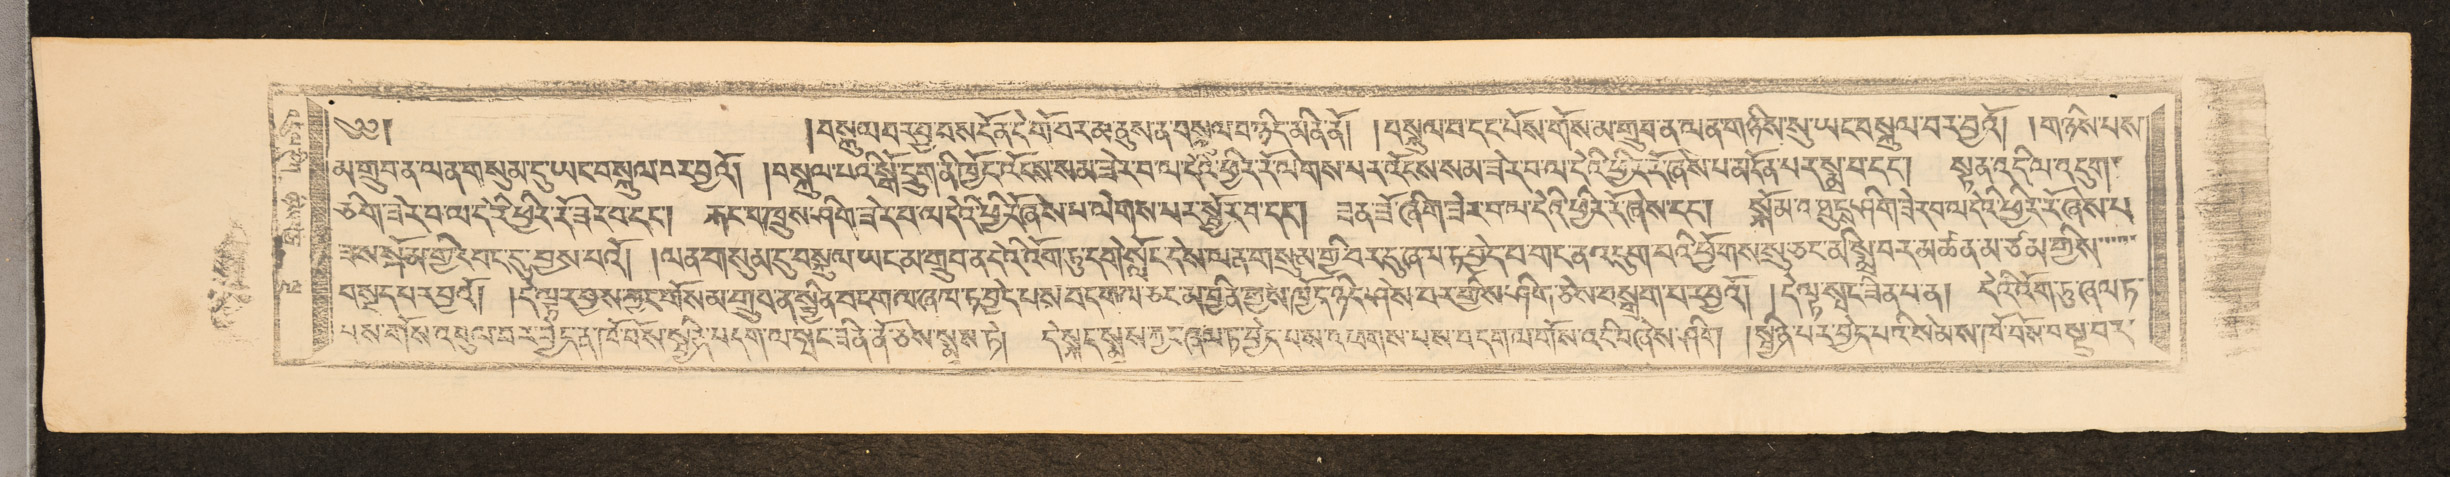༄༅། །བསྐུལ་བར་བྱ་བས་དོན་དེ་གོ་བར་མ་ནུས་ན་བསྐུལ་བ་ཉིད་མིན་ནོ། །བསྐུལ་བ་དང་པོས་གོས་མ་གྲུབ་ན་ལན་གཉིས་སུ་ཡང་བསྐུལ་བར་བྱའོ། །གཉིས་པས་
མ་གྲུབ་ན་ལན་གསུམ་དུ་ཡང་བསྐུལ་བར་བྱའོ། །བསྐུལ་བའི་སྒོ་དྲུག་ནི་ཁྱོད་འོངས་སམ་ཟེར་བ་ལ་དེའི་ཕྱིར་རོ་ལེགས་པར་འོངས་སམ་ཟེར་བ་ལ་དེའི་ཕྱིར་རོ་ཞེས་པ་མངོན་པར་སྨྲ་བ་དང་། སྟན་འདིལ་འདུག་
ཅིག་ཟེར་བ་ལ་དེའི་ཕྱིར་རོ་ཟེར་བ་དང་། རྐང་བྑྲུས་ཤིག་ཟེར་བ་ལ་དེའི་ཕྱི་རོ་ཞེས་པ་ལེགས་པར་སྦྱོར་བ་དང་། ཟན་ཟོ་ཞིག་ཟེར་བ་ལ་དེའི་ཕྱིར་རོ་ཞེས་དང་། སྐོམ་འཐུངས་ཤིག་ཟེར་བ་ལ་དེའི་ཕྱིར་རོ་ཞེས་པ་
ཟས་སྐོམ་གྱི་དབང་དུ་བྱས་པའོ། །ལན་གསུམ་དུ་བསྐུལ་ཡང་མ་གྲུབ་ན་དེའི་འོག་ཏུ་དགེ་སློང་དེས་ལན་གསུམ་གྱི་བར་དུ་ཞལ་ཏ་བྱེད་པ་གང་ན་འདུག་པའི་ཕྱོགས་སུ་ཅང་མི་སྨྲ་བར་མཚན་མ་ཙམ་གྱིས་
བསྡད་བར་བྱའོ། །དེ་ལྟར་བྱས་ཀྱང་གོས་མ་གྲུབ་ན་སྦྱིན་བདག་ལ་ཞལ་ཏ་བྱེད་པས་བདག་ལ་ཅང་མ་བྱིན་གྱིས་ཁྱོད་ཉིད་ཤེས་བར་གྱིས་ཤིག་ཅེས་བསྒྲག་པར་བྱའོ། །དེ་ལྟ་སྤང་ཟིན་པ་ན། དེའི་འོག་ཏུ་ཞལ་ཏ་
པས་གོས་འབུལ་བར་བྱེད་ན་ཁོ་བོས་སྦྱིན་བདག་ལ་སྤང་ཟིན་ནོ་ཅེས་སྨྲས་ཏེ། དེ་སྐད་སྨྲས་ཀྱང་ཞལ་ཏ་བྱེད་པས་འཕགས་པས་བདག་ལ་གོས་འདི་བཞེས་ཤིག །སྦྱིན་བར་བྱེད་པའི་སེམས་ཁོ་བོས་བསྡུ་བར་